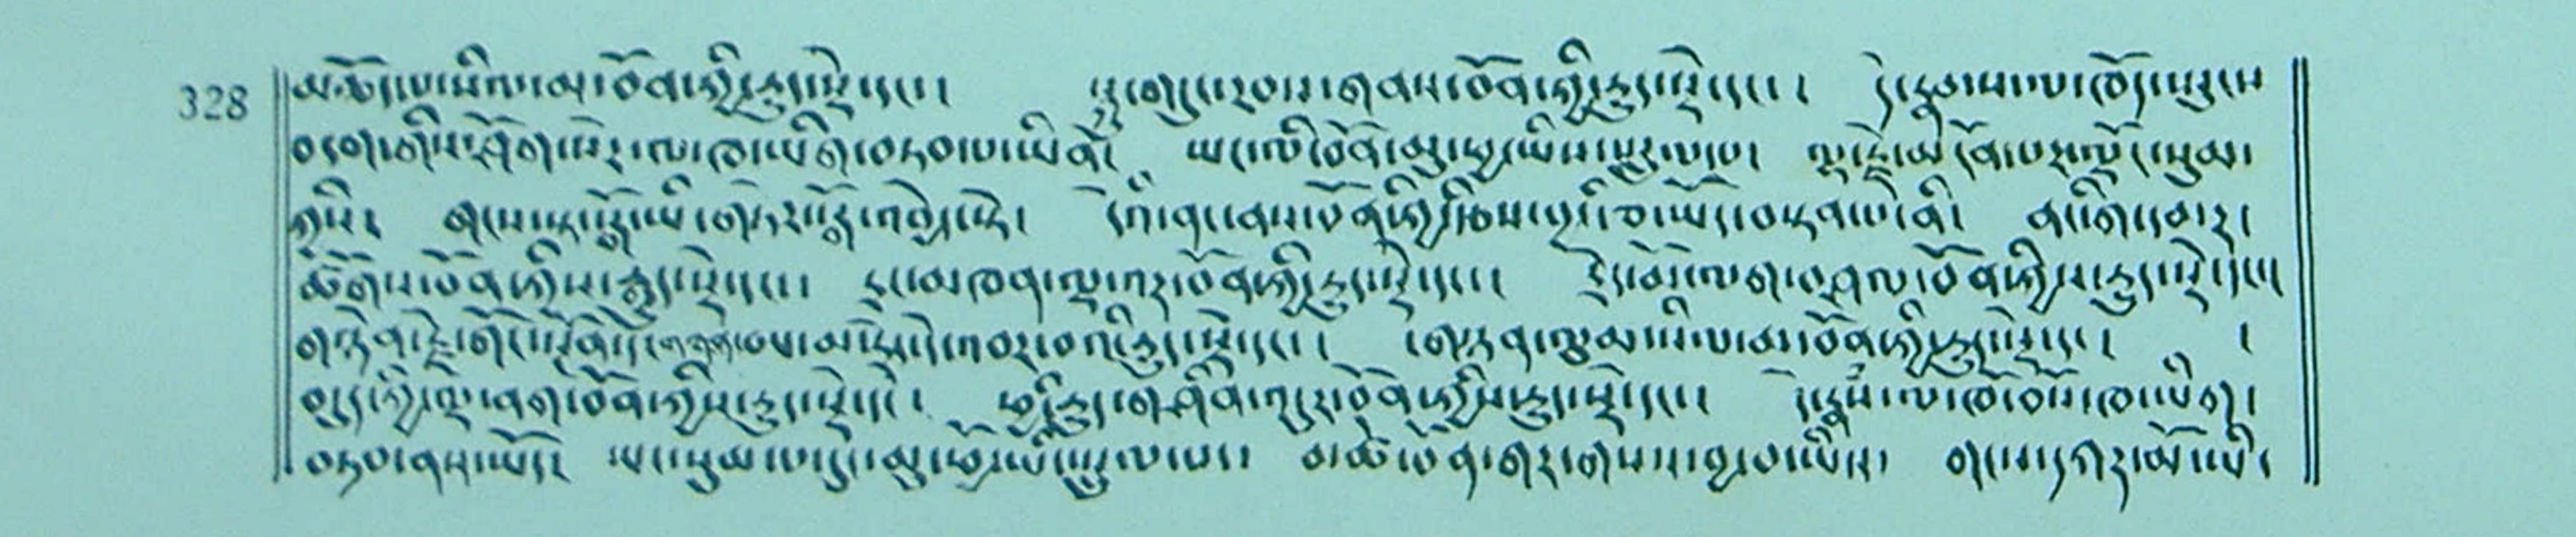མཆོད་པ་སིལ་མ་བོན་གྱི་རྒྱུད་སྡེ་དང་། སྐུ་གདུང་རབས་གནས་བོན་གྱི་རྒྱུད་སྡེ་དང་། དེ་རྣམས་ལ་ཁོད་སྤུངས་
བདག་གིས་ཤོག་སེར་ལ་ཁ་ཡིག་བཏབ་པ་ཡིན། ཡང་ལི་བོན་མུ་ཕྱའི་སྤྲུལ་པ་ལ། ལྷ་རྗེ་མངོན་པར་ལྡོང་གསུམ་
གྱིས། གངས་སྟ་སྒོའི་གཏེར་སྒོ་འབྱེད་དེ༑ དེའི་ནང་ན་བོན་གྱི་རྩིས་བྱང་ཅི་ཡོད་བསྟན་པ་ནི། ནང་གི་དམར་
ཚོགས་བོན་གྱིས་རྒྱུད་སྡེ་དང་། དྲངས་མཁན་ལྷ་འར་བོན་གྱི་རྒྱུད་སྡེ་དང་། དྲེད་མོ་ལག་བཤལ་བོན་གྱི་རྒྱུད་སྡེ་དང་། 
གཉན་རྗེ་གོང་སྔོན་དང་གཉན་བས་མ་དྲེད་དེ་འབར་བའི་རྒྱུད་སྡེ་དང་། གཉན་ལྕམ་སིལ་མ་བོན་གྱི་རྒྱུད་སྡེ་དང་། 
བདུད་ཀྱི་ལྡ་ནག་བོན་གྱིས་རྒྱུད་་སྡེ་དང་། ཕྱི་རྒྱུད་གཤེན་འདུར་བོན་གྱི་རྒྱུད་སྡེ་དང་། དེ་རྣམས་ལ་ཁོ་བོས་ཁ་ཡིག་
བཏབ་ནས་ཡོད། ཡང་སུམ་པ་དྲུང་མུ་ཕྱོ་ཀྱི་སྤྲུལ་པ་ལས། མཚེ་བོན་གར་གསས་བྱ་བ་ཡིས། གངས་དཀར་མོ་ཡི་(